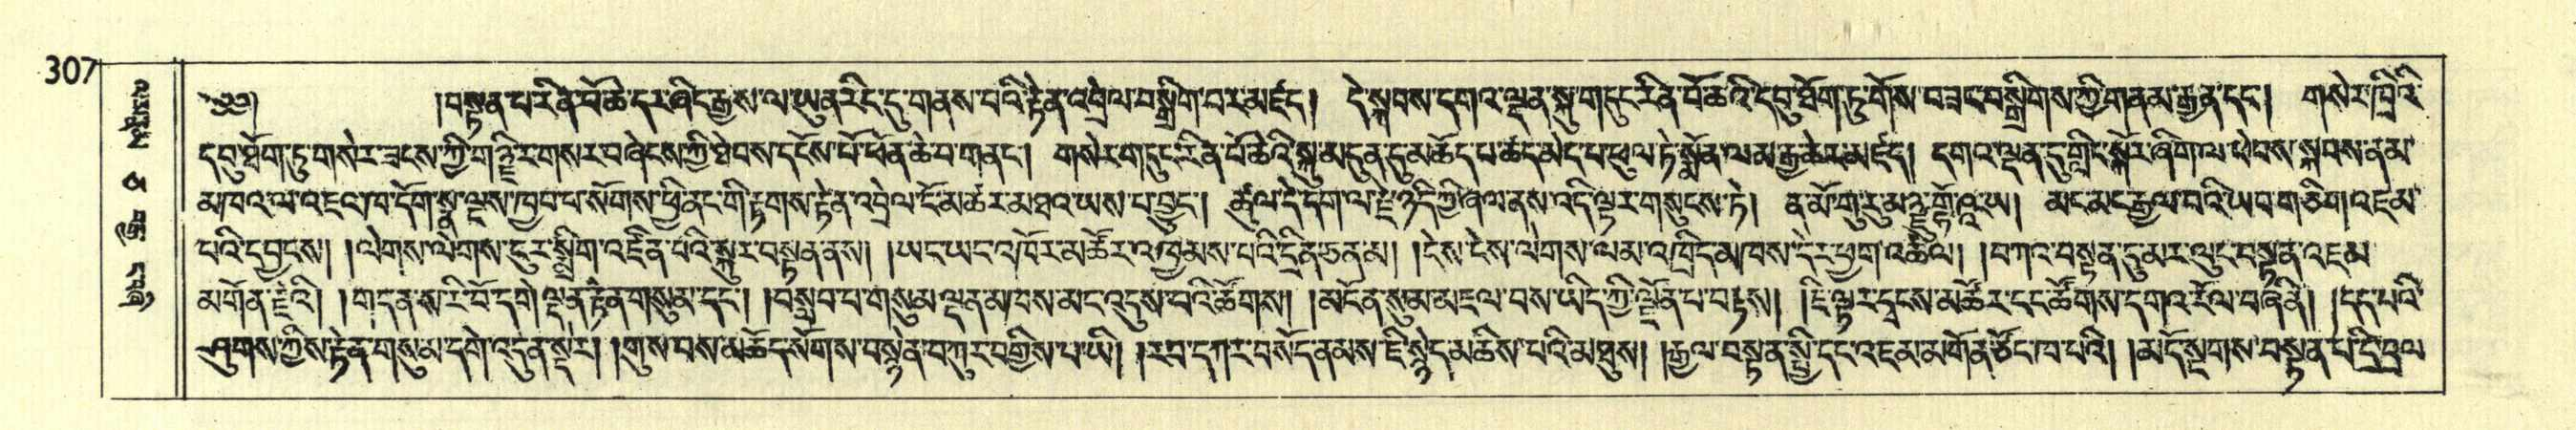༄༅། །བསྟན་པ་རིན་པོ་ཆེ་དར་ཞིང་རྒྱས་ལ་ཡུན་རིང་དུ་གནས་པའི་རྟེན་འབྲེལ་བསྒྲིག་བར་མཛད། དེ་སྐབས་དགའ་ལྡན་སྐུ་གདུང་རིན་པོ་ཆེའི་དབུ་ཐོག་ཏུ་གསོ་བཟང་བསྒྲིགས་ཀྱི་གནམ་རྒྱན་དང་། གསེར་ཁྲིའི་
དབུ་ཐོག་ཏུ་གསེར་ཟངས་ཀྱི་གཉྫི་ར་གསར་བཞེངས་ཀྱི་ཐེབས་དངོས་པོ་ཕོན་ཆེ་བ་གནང་། གསེར་གདུང་རིན་པོ་ཆེའི་སྐུ་མདུན་དུ་མཆོད་པ་ཚད་མེད་པ་ཕུལ་ཏེ་སྨོན་ལམ་རྒྱ་ཆེར་མཛད། དགའ་ལྡན་དུ་གླིང་སྐོར་ཞིག་ལ་ཕེབས་སྐབས་ནམ་
མཁའ་ལ་འཇའ་ཁ་དོག་སྣ་ལྔས་ཁྱབ་པ་སོགས་ཕྱི་ནང་གི་རྟགས་རྟེན་འབྲེལ་ངོ་མཚར་མཐའ་ཡས་པ་བྱུང་། ཚུལ་དེ་དག་ལ་རྫེ་ཉིད་ཀྱི་ཞལ་ནས་འདི་ལྟར་གསུངས་ཏེ། ན་མོ་གུ་རུ་མཉྫུ་གྷོ་ཥཱ་ཡ། མང་མང་རྒྱལ་བའི་ཡབ་གཅིག་འཇམ་
པའི་དབྱངས། །ལེགས་ལེགས་ངུར་སྨྲིག་འཛིན་པའི་སྐུར་བསྟན་ནས། །ཡང་ཡང་འཁོར་མཚོར་འཁྱམས་པའི་དྲིན་ཅན་མ། །ངེས་ངེས་ལེགས་ལམ་འཁྲིད་མཁས་དེར་ཕྱག་འཚལ། །བཀའ་བསྟན་དུ་མར་ལུང་བསྟན་འཇམ་
མགོན་རྗེའི། །གདན་ས་རི་བོ་དགེ་ལྡན་རྟེན་གསུམ་དང་། །བསླབ་པ་གསུམ་ལྡན་མཁས་མང་འདུས་པའི་ཚོགས། །མངོན་སུམ་མཇལ་བས་ཡིད་ཀྱི་ལྗོན་པ་བརྟས། །ཇི་ལྟར་དྭངས་མཚོར་དང་ཚོགས་དགའ་རོལ་བཞིན། །དད་པའི་
ཤུགས་ཀྱིས་རྟེན་གསུམ་དགེ་འདུན་སྡེར། །གུས་པས་མཆོད་སོགས་བསྙེན་བཀུར་བགྱིས་པ་ཡི། །རབ་དཀར་བསོད་ནམས་ཇི་སྙེད་མཆིས་པའི་མཐུས། །རྒྱལ་བསྟན་སྤྱི་དང་འཇམ་མགོན་ཙོང་ཁ་པའི། །མདོ་སྔགས་བསྟན་པ་དི་བྲལ་